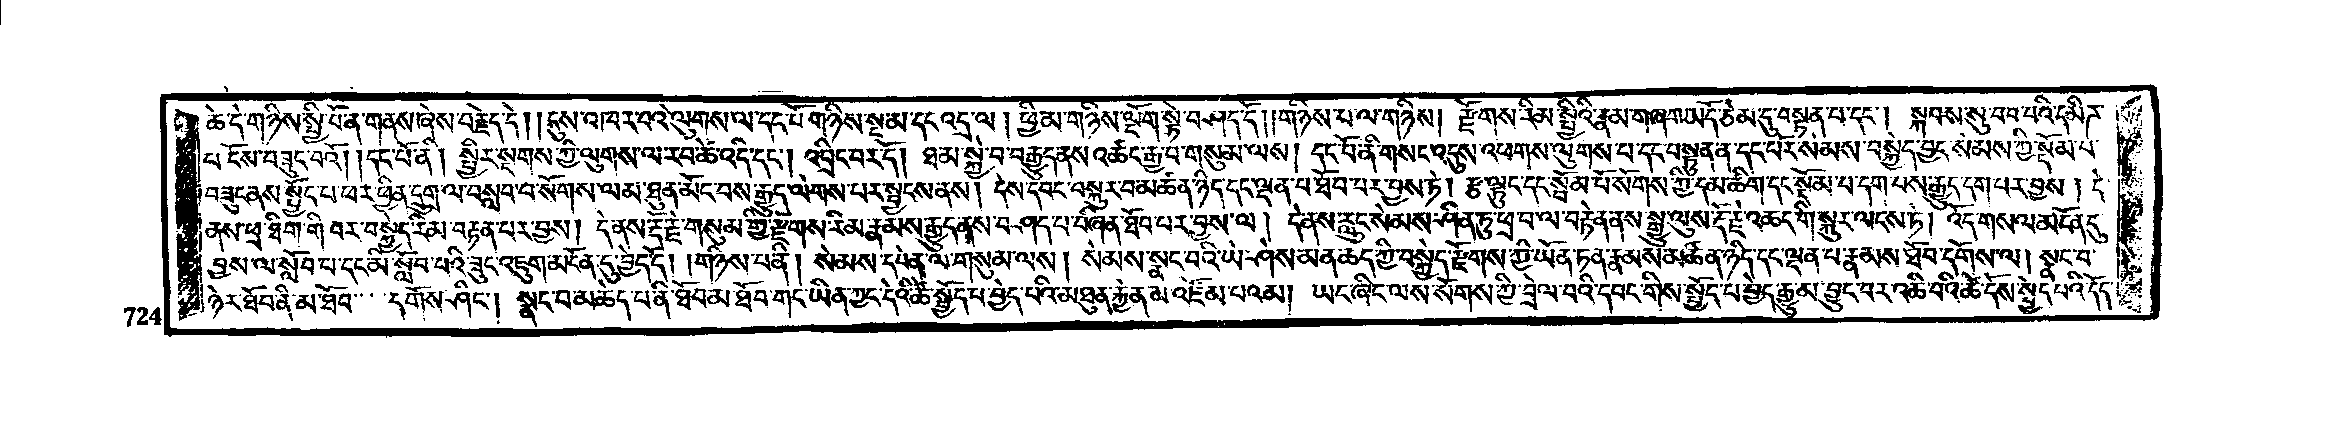ཆེ་དེ་གཉིས་སྤྱི་བོ་ན་གནས་ཞེས་བརྗོད་དོ། །དུས་འཁར་བའི་ལུགས་ལ་དང་པོ་གཉིས་སྔ་མ་དང་འདྲ་ལ། ཕྱི་མ་གཉིས་ལྡོག་སྟེ་བཤད་དོ། །གཉིས་པ་ལ་གཉིས། རྫོགས་རིམ་སྤྱིའི་རྣམ་གཞག་མདོ་ཙམ་དུ་བསྟན་པ་དང་། སྐབས་སུ་བབ་པའི་དམིགས་
པ་ངོས་བཟུང་བའོ། །དང་པོ་ནི། སྤྱིར་སྔགས་ཀྱི་ལུགས་ལ་རབ་ཚེ་འདི་དང་། འབྲིང་བར་དོ། ཐ་མ་སྐྱེ་བ་བརྒྱུད་ནས་འཚང་རྒྱ་བ་གསུམ་ལས། དང་པོ་ནི་གསང་འདུས་འཕགས་ལུགས་པ་དང་བསྟུན་ན་དང་པོར་སེམས་བསྐྱེད་བྱང་སེམས་ཀྱི་སྡོམ་པ་
བཟུང་ནས་སྤྱོད་པ་ཕར་ཕྱིན་དྲུག་ལ་བསླབ་པ་སོགས་ལམ་ཐུན་མོང་བས་རྒྱུད་ལེགས་པར་སྦྱངས་ནས། དེས་དབང་བསྐུར་བ་མཚན་ཉིད་དང་ལྡན་པ་ཐོབ་པར་བྱས་ཏེ། རྩ་ལྟུང་དང་སྦོམ་པོ་སོགས་ཀྱི་དམ་ཚིག་དང་སྡོམ་པ་དག་པས་རྒྱུད་དག་པར་བྱས། དེ་
ནས་ཕྲ་ཐིག་གི་བར་བསྐྱེད་རིམ་བརྟན་པར་བྱས། དེ་ནས་རྡོ་རྗེ་གསུམ་གྱི་རྫོགས་རིམ་རྣམས་རྒྱུད་ནས་བཤད་པ་བཞིན་ཐོབ་པར་བྱས་ལ། དེ་ནས་རླུང་སེམས་ཤིན་ཏུ་ཕྲ་བ་ལ་བརྟེན་ནས་སྒྱུ་ལུས་རྡོ་རྗེ་འཆང་གི་སྐུར་ལངས་ཏེ། འོད་གསལ་མངོན་དུ་
བྱས་ལ་སློབ་པ་དང་མི་སློབ་པའི་ཟུང་འཇུག་མངོན་དུ་བྱེད་དོ། །གཉིས་པ་ནི། སེམས་དབེན་ལ་གསུམ་ལས། སེམས་སྣང་བའི་ཡེ་ཤེས་མན་ཆད་ཀྱི་བསྐྱེད་རྫོགས་ཀྱི་ཡོན་ཏན་རྣམས་མཚན་ཉིད་དང་ལྡན་པ་རྣམས་ཐོབ་དགོས་ལ། སྣང་བ་
ཉེར་ཐོབ་ནི་མ་ཐོང་དགོས་ཤིང་། སྣང་བ་མཆེད་པ་ནི་ཐོབ་མ་ཐོབ་གང་ཡིན་ཀྱང་དེའི་ཚེ་སྤྱོད་པ་བྱེད་པའི་མཐུན་རྐྱེན་མ་འཛོམ་པའམ། ཡང་ཞིང་ལས་སོགས་ཀྱི་བྲེལ་བའི་དབང་གིས་སྤྱོད་པ་བྱེད་རྒྱུ་མ་བྱུང་བར་འཆི་བའི་ཚེ་དེས་སྤྱོད་པའི་དོད་